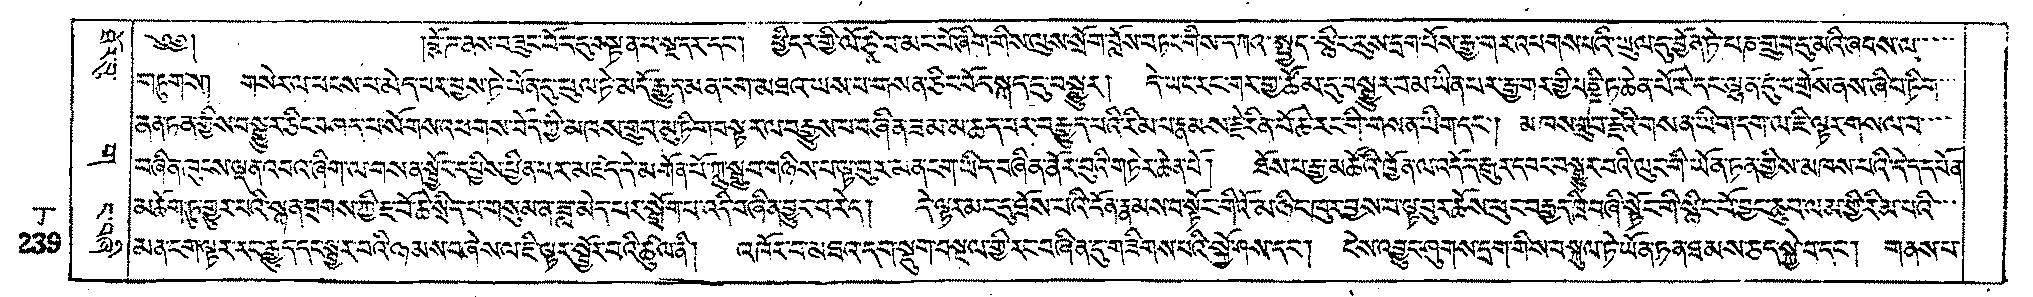༄༅། །བྷོ་ཌ་ནས་བཟུང་བོད་དུ་བསྟན་པ་སྔ་དར་དང་། ཕྱི་དར་གྱི་ལོ་ཙཱ་བ་མང་པོ་ཞིག་གིས་ལུས་སྲོག་བློས་བཏང་གིས་དཀའ་སྤྱད་སྙིང་རུས་དྲག་པོས་རྒྱ་གར་འཕགས་པའི་ཡུལ་དུ་བྱོན་ཏེ་པཎ་གྲུབ་དུ་མའི་ཞབས་ལ་་་
གཏུགས། གསེར་ལ་ཕངས་པ་མེད་པར་བྱས་ཏེ་ཡོན་དུ་ཕུལ་ཏེ་མདོ་རྒྱུད་མན་ངག་མཐའ་ཡས་པ་གསན་ཅིང་བོད་སྐད་དུ་བསྒྱུར། དེ་ཡང་རང་གར་གྱ་ཚོམ་དུ་བསྒྱུར་བ་མ་ཡིན་པར་རྒྱ་གར་གྱི་པཎྜི་ཏ་ཆེན་པོ་རེ་དང་ལྷན་དུ་བགྲོས་ནས་ཞིབ་ཏིག་་་
ནན་ཏན་གྱིས་བསྒྱུར་ཅིང་བཤད་པ་སོགས་འཕགས་བོད་ཀྱི་མཁས་གྲུབ་མུ་ཏིག་བསྟར་ལ་བརྒྱུས་པ་བཞིན་ཟམ་མ་ཆད་པར་བརྒྱུད་པའི་རིམ་པ་རྣམས་རྗེ་རིན་པོ་ཆེ་རང་གི་གསན་ཡིག་དང་། མཁས་གྲུབ་རྗེའི་གསན་ཡིག་དག་ལ་ཇི་ལྟར་གསལ་བ་་་
བཞིན་ཁུངས་ལྡན་འབའ་ཞིག་ལ་གསན་སྦྱོང་དཔྱིས་ཕྱིན་པར་མཛད་དེ་མགོན་པོ་ཀླུ་སྒྲུབ་གཉིས་པ་ལྟར་བུར་མན་ངག་ཡིད་བཞིན་ནོར་བུའི་གཏེར་ཆེན་པོ། ཐོས་པ་རྒྱ་མཚོའི་ཁྱོན་ལ་འདོད་རྒུར་དབང་བསྒྱུར་བའི་ལུང་གི་ཡོན་ཏན་གྱིས་མཁས་པའི་དེད་དཔོན་
མཆོག་ཏུ་གྱུར་པའི་སྙན་གྲགས་ཀྱི་རྔ་བོ་ཆེ་སྲིད་པ་གསུམ་ན་ཟླ་མེད་པར་སྒྲོག་པ་འདི་བཞིན་བྱུང་བ་རེད། དེ་ལྟར་མང་དུ་ཐོས་པའི་དོན་རྣམས་བ་སྟོང་གི་འོ་མ་ཉིང་ཁུར་བྱས་པ་ལྟ་བུར་ཆོས་ཕུང་བརྒྱད་ཁྲི་བཞི་སྟོང་གི་སྙིང་པོ་བྱང་ཆུབ་ལམ་གྱི་རིམ་པའི་་་
མན་ངག་ལྟར་རང་རྒྱུད་དང་སྦྱར་བའི་ཉམས་བཞེས་ལ་ཇི་ལྟར་སྦྱོར་བའི་ཚུལ་ནི། འཁོར་བ་མཐའ་དག་སྡུག་བསྔལ་གྱི་རང་བཞིན་དུ་གཟིགས་པའི་སྐྱོ་ཤས་དང་། ངེས་འབྱུང་ཤུགས་དྲག་གིས་བསྐུལ་ཏེ་ཡོན་ཏན་ཐམས་ཅད་སྐྱེ་བ་དང་། གནས་པ་